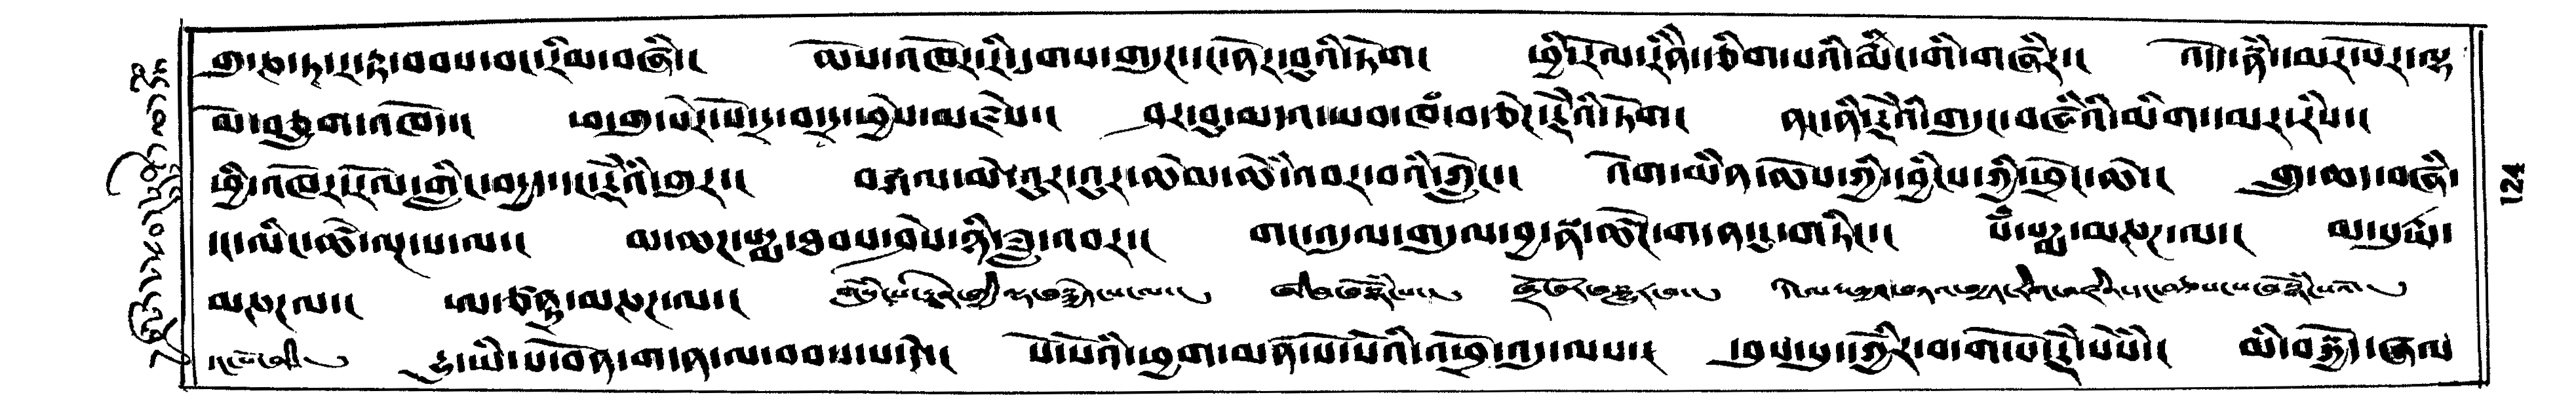གུ་ཎ་ཏ་ར་ཏྟ་བབས་བང་རིམ་བཞི། །ཆོས་འཁོར་རི་དྭགས་གདུགས་དང་ནོར་བུའི་ཏོག། །ཕྱི་རོལ་རིན་ཆེན་བརྩིགས་པའི་རྨིང་གི་གཞིར། འདོད་སྣམ་དམར་སེར་ལྷ་
མོ་བཅུ་དྲུག་འཁོད། །ཕ་གུ་སེར་པོ་དྲ་བ་དྲ་ཕྱེས་མཛེས། །ཤར་བུ་མདའ་ཡབ་ཁཾ་བརྩེགས་རྡོ་རྗེའི་ཏོག།ནང་ནི་རྡོ་རྗེའི་གདུང་བཞིའི་མིག་དམར་རིས། །
ཕྱི་འཁོར་རོལ་གླིང་བརྒྱད་དང་རྡོ་རྗེའི་གུར། །བསྐལ་མེ་འུར་འུར་ཆེམ་ཆེམ་འབར་བའི་ཀློང་། །འོག་མིན་ཆོས་ཀྱི་དབྱིངས་ཀྱི་ཕོ་བྲང་ཆེ། །གྲུ་ཆད་བཞི་
དང་ལིང་ཚེ་ལྔ་པ་ལ། །མ་ཆགས་པདྨ་ཐབས་ཤེས་ཉི་ཟླ་འབར། །གང་འདུལ་གདུལ་བྱ་སྣ་ཚོགས་གདན་དུ་གཏིང་། །པྃ་པདྨ་མཎྜ་ལ། མ་སུརྻ་
མཎྜ་ལ། ཨ་ཙནྡྲ་མཎྜ་ལ། གསུམ་པ་བརྟེན་གྱི་ལྷ་བསྐྱེད་པ་ལ། ཞི་བ་བསྒོམ་པ། ཁྲོ་བོར་བསྒྱུར་བ། དེ་ལས་ཀྱང་བཀའ་བརྒྱད་རིག་འཛིན་དང་བཅས་པ་བསྒོམ་པའོ།། 
དང་པོ་ནི། རྒྱུ་ཡི་ས་བོན་གདན་ལ་བབས་པ་དེ། །སོ་སོའི་ཕྱག་མཚན་སོ་སོའི་འཕྲོ་འདུ་ལས། །དབུས་སུ་དཀྱིལ་འཁོར་བདག་པོ་རྡོ་རྗེ་སེམས། །མི་བསྐྱོད་ཞལ་